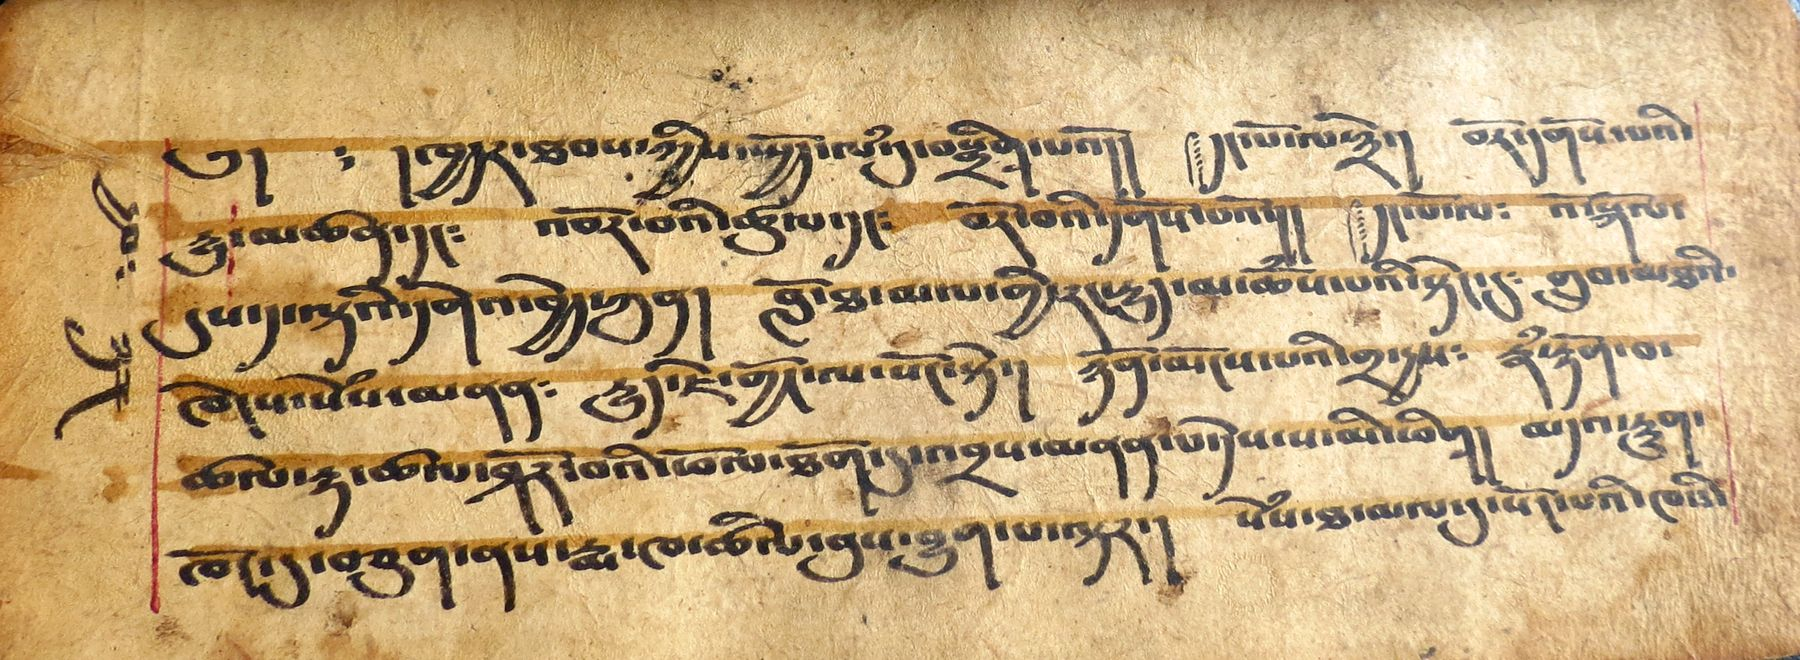ཁྱད་པར་ཐབས་ཀྱི་ལས་སྤྱོད་ལམ་དུ་བསྒྲིག་པའོ། དང་པོ་༼ཐུན་མོང་གི་ལས་སྤྱོད་བོར་བ་༽ལ་གསུམ་ཏེ། བོར་དགོས་པའི་
རྒྱུ་མཚན་དང་། བོར་བའི་ཚུལ་དང་། བོར་བའི་དགོས་པའོ། དང་པོ་༼རྒྱུ་མཚན༽ལ། འོ་སྐོལ་
དུས་ད་ལྟའི་དགེ་བྱེད་ཀུན། བློ་ཐ་མལ་གྱི་རང་རྒྱུད་མ་ཆོམས་པའི་སྟེང་དུ་གྲུབ་མཐའི་
ཁེངས་སེམས་བསྣན་ནས། རྒྱུད་ཇེ་གྱོང་ལ་སོང་སྟེ། ཉོན་མོངས་པའི་གྲ་རྒྱས། རྣམ་རྟོག་བག་
ཚས་རྟ་ཚས་༼ཚལ༽ལ་ཤོར་བའི་ཕོལ་ཐོག་ཏུ་འབྲས་བསྣན་པ་བཞིན་སྟེ། དེས་མི་ཕིགས། མདའ་དུམ་
ཁོང་དུ་བཅུགས་ནས་རྨ་ཁ་ཚིལ་བུས་བྱུག་པ་ལྟར། སེམས་ཐ་མལ་དུ་སོང་བའི་ཁའི་